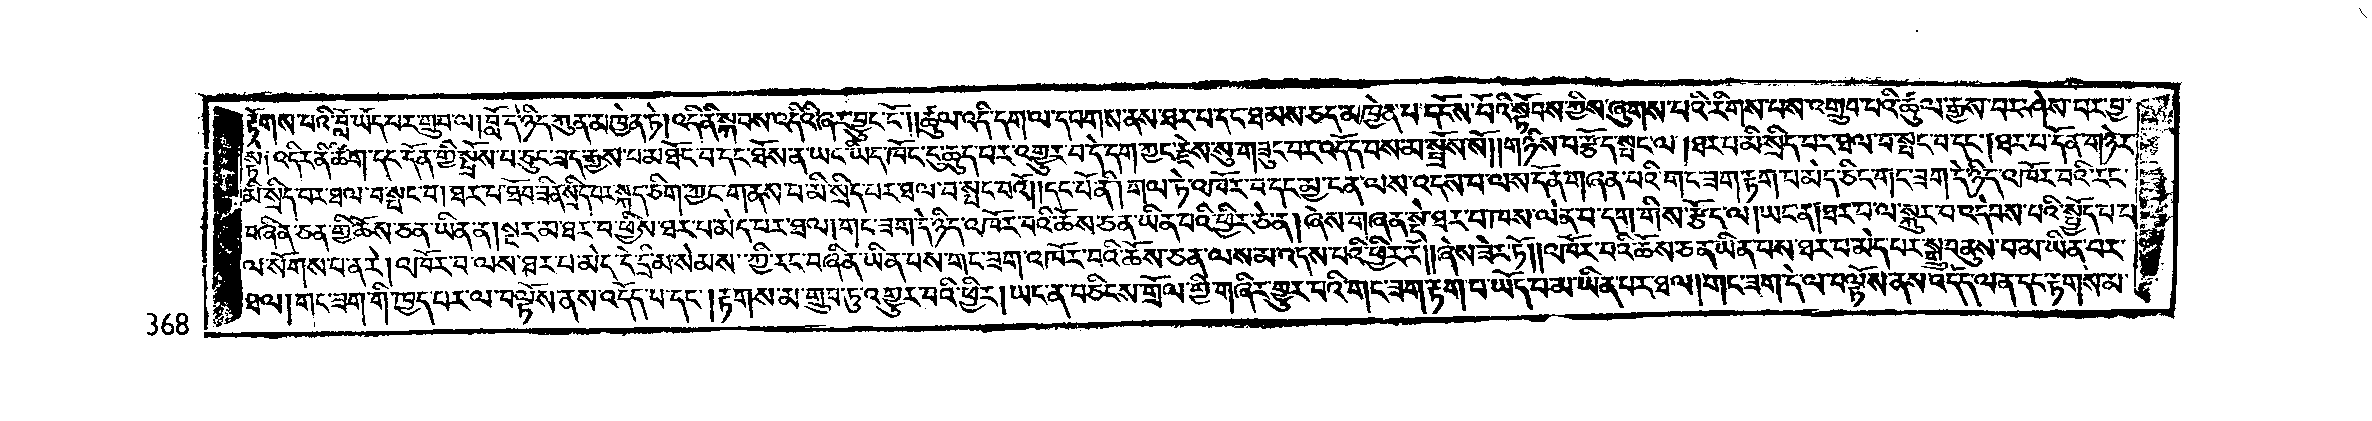རྟོགས་པའི་བློ་ཡོད་པར་གྲུབ་ལ། བློ་དེ་ཉིད་ཀུན་མཁྱེན་ཏེ། འདི་ནི་སྐབས་འདིའི་ཞར་བྱུང་ངོ། །ཚུལ་འདི་དག་ལ་དཔགས་ནས་ཐར་པ་དང་ཐམས་ཅད་མཁྱེན་པ་དངོས་པོའི་སྟོབས་ཀྱིས་ཞུགས་པའི་རིགས་པས་འགྲུབ་པའི་ཚུལ་རྒྱས་པར་ཤེས་པར་བྱ་
སྟེ༑ འདིར་ནི་ཚིག་དང་དོན་གྱི་སྤྲོས་པ་ཅུང་ཟད་རྒྱས་པ་མཐོང་བ་དང་ཐོས་ན་ཡང་ཡིད་ཁོང་དུ་ཆུད་པར་འགྱུར་བ་དེ་དག་ཀྱང་རྗེས་སུ་གཟུང་བར་འདོད་པས་མ་སྤྲོས་སོ། །གཉིས་པ་རྩོད་སྤང་ལ། ཐར་པ་མི་སྲིད་པར་ཐལ་བ་སྤང་བ་དང་། ཐར་པ་དོན་གཉེར་
མི་སྲིད་པར་ཐལ་བ་སྤང་བ། ཐར་པ་ཐོབ་ཟིན་སྲིད་པར་སྐད་ཅིག་ཀྱང་གནས་པ་མི་སྲིད་པར་ཐལ་བ་སྤང་བའོ། །དང་པོ་ནི། གལ་ཏེ་འཁོར་བ་དང་མྱ་ངན་ལས་འདས་པ་ལས་དོན་གཞན་པའི་གང་ཟག་རྟག་པ་མེད་ཅིང་གང་ཟག་དེ་ཉིད་འཁོར་བའི་རང་
བཞིན་ཅན་གྱི་ཆོས་ཅན་ཡིན་ན། སྔར་མ་ཐར་བ་ཕྱིས་ཐར་པ་མེད་པར་ཐལ། གང་ཟག་དེ་ཉིད་འཁོར་བའི་ཆོས་ཅན་ཡིན་པའི་ཕྱིར་ཅེ་ན། ཞེས་གཞན་སྡེ་ཐར་པ་ཁས་ལེན་པ་དག་གིས་རྩོད་ལ། ཡང་ན། ཐར་པ་ལ་སྐུར་པ་འདེབས་པའི་སྤྱོད་པ་བ་
ལ་སོགས་པ་ན་རེ། འཁོར་བ་ལས་ཐར་པ་མེད་དེ་དྲི་མ་སེམས་ཀྱི་རང་བཞིན་ཡིན་པས་གང་ཟག་འཁོར་བའི་ཆོས་ཅན་ལས་མ་འདས་པའི་ཕྱིར་རོ། །ཞེས་ཟེར་ཏོ། །འཁོར་བའི་ཆོས་ཅན་ཡིན་པས་ཐར་པ་མེད་པར་སྒྲུབ་ནུས་པ་མ་ཡིན་པར་
ཐལ། གང་ཟག་གི་ཁྱད་པར་ལ་བལྟོས་ནས་འདོད་པ་དང་། རྟགས་མ་གྲུབ་ཏུ་འགྱུར་བའི་ཕྱིར། ཡང་ན་བཅིངས་གྲོལ་གྱི་གཞིར་གྱུར་པའི་གང་ཟག་རྟག་པ་ཡོད་པ་མ་ཡིན་པར་ཐལ། གང་ཟག་དེ་ལ་བལྟོས་ནས་འདོད་ལན་དང་རྟགས་མ་